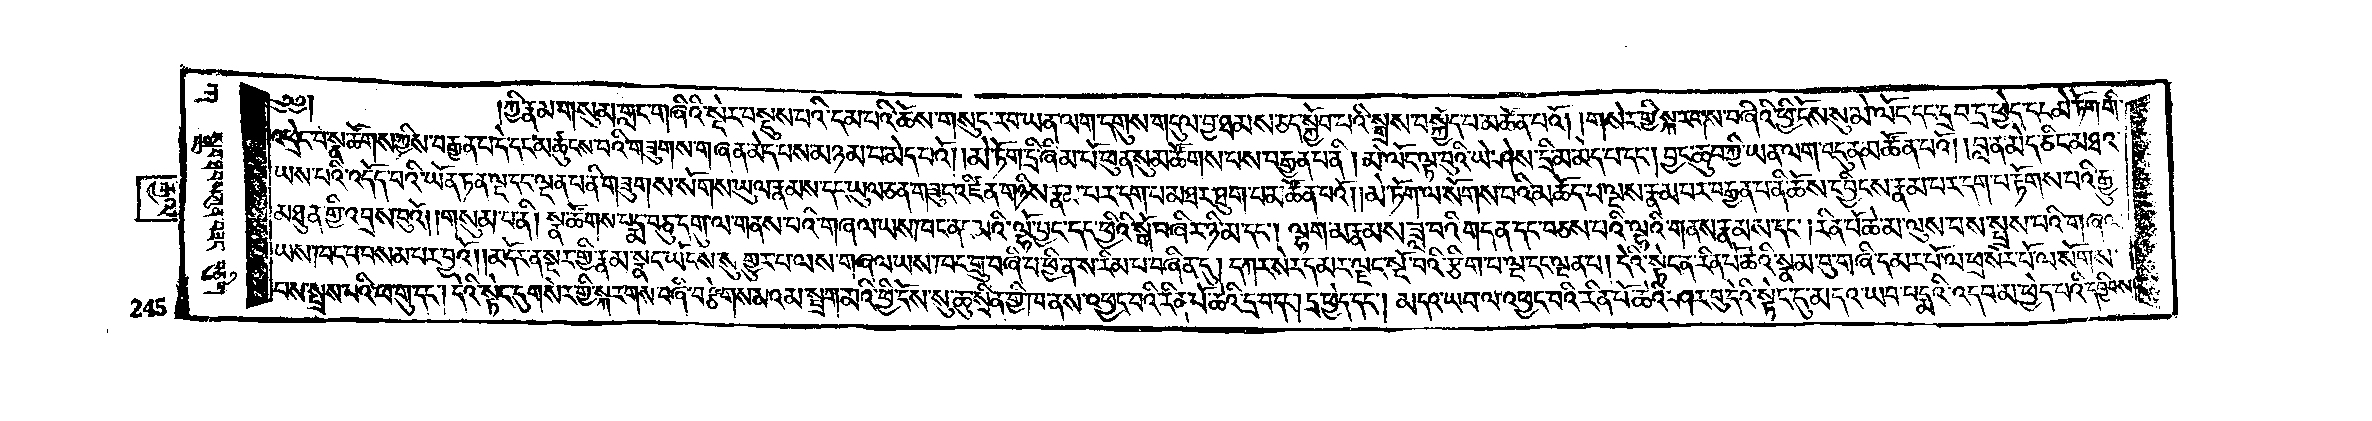༄༅། །ཀྱི་རྣམ་གསུམ་གླང་གཞིའི་སྡེར་བསྡུས་པའི་དམ་པའི་ཆོས་གསུང་རབ་ཡན་ལག་དགུས་གདུལ་བྱ་ཐམས་ཅད་སྐྱོབ་པའི་སྒྲས་བསྐྱོད་པ་མཚོན་པའོ། །གསེར་གྱི་སྐ་རགས་བཞིའི་ཕྱི་ངོས་སུ་མེ་ལོང་དང་དྲ་བ་དྲ་ཕྱེད་དང་མེ་ཏོག་གི་
འཕྲེང་བ་སྣ་ཚོགས་ཀྱིས་བརྒྱན་པ་དེ་དང་མཚུངས་པའི་གཟུགས་གཞན་མེད་པས་མཉམ་པ་མེད་པའོ། །མེ་ཏོག་དྲི་ཞིམ་པོ་ཕུན་སུམ་ཚོགས་པས་བརྒྱན་པ་ནི། མེ་ལོང་ལྟ་བུའི་ཡེ་ཤེས་དྲི་མ་མེད་པ་དང་། བྱང་ཆུབ་ཀྱི་ཡན་ལག་བདུན་མཚོན་པའོ། །བླ་ན་མེད་ཅིང་མཐའ་
ཡས་པའི་འདོད་པའི་ཡོན་ཏན་ལྔ་དང་ལྡན་པ་ནི་གཟུགས་སོགས་ཡུལ་རྣམས་དང་ཡུལ་ཅན་གཟུང་འཛིན་གཉིས་རྣམ་པར་དག་པ་མཐར་ཐུག་པ་མཚོན་པའོ། །མེ་ཏོག་ལ་སོགས་པའི་མཆོད་པ་ལྔས་རྣམ་པར་བརྒྱན་པ་ནི་ཆོས་དབྱིངས་རྣམ་པར་དག་པ་རྟོགས་པའི་རྒྱུ་
མཐུན་གྱི་འབྲས་བུའོ། །གསུམ་པ་ནི། སྣ་ཚོགས་པདམ་བཅུ་དགུ་ལ་གནས་པའི་གཞལ་ཡས་ཁང་ནང་མའི་ལྷོ་བྱང་དང་ཕྱིའི་སྒོ་བཞིར་ཉི་མ་དང་། ལྷག་མ་རྣམས་ཟླ་བའི་གདན་དང་བཅས་པའི་ལྷའི་གནས་རྣམས་དང་། རིན་པོ་ཆེ་མ་ལུས་པས་སྤྲས་པའི་གཞལ་
ཡས་ཁང་པ་བསམ་པར་བྱའོ། །མདོར་ན་སྔར་གྱི་རྣམ་སྣང་ཡོངས་སུ་གྱུར་པ་ལས་གཞལ་ཡས་ཁང་གྲུ་བཞི་པ་ཕྱི་ནས་རིམ་པ་བཞིན་དུ། དཀར་སེར་དམར་ལྗང་སྔོ་བའི་རྩིག་པ་ལྔ་དང་ལྡན་པ། དེའི་སྟེང་ན་རིན་པོ་ཆེའི་སྣམ་བུ་གཞི་དམར་པོ་ལ་ཕྲ་སེར་པོ་ལ་སོགས་
པས་སྤྲས་པའི་ཕ་གུ་དང་། དེའི་སྟེང་དུ་གསེར་གྱི་སྐར་གས་བཞི་བརྩེགས་མའམ་སྤྲག་མའི་ཕྱི་ངོས་སུ་ཆུ་སྲིན་གྱི་ཁ་ནས་འཕྱང་བའི་རིན་པོ་ཆེའི་དྲ་བ་དང་། དྲ་ཕྱེད་དང་། མདའ་ཡབ་ལ་འཕྱང་བའི་རིན་པོ་ཆེའི་ཤར་བུ་དེའི་སྟེང་དུ་མདའ་ཡབ་པདམའི་འདབ་མ་ཕྱེད་པའི་དབྱིབས་